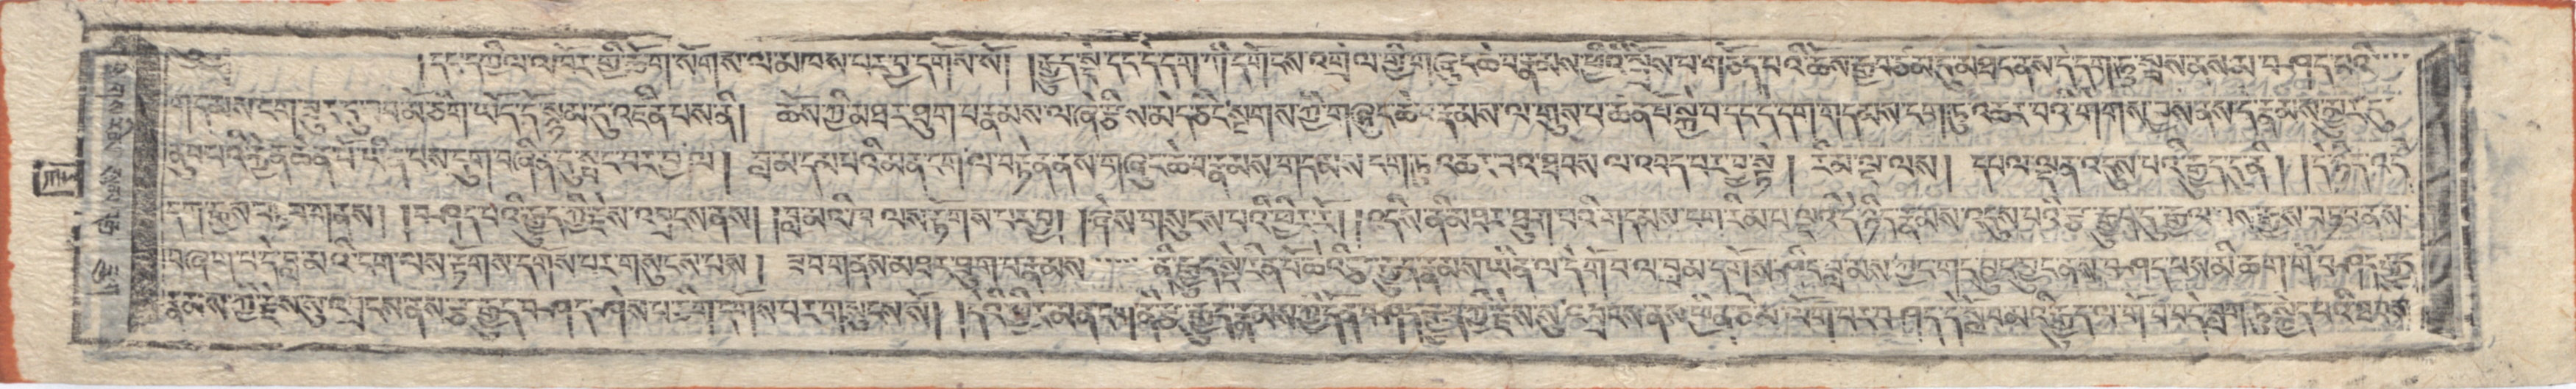༄༅། །དང་དཀྱིལ་འཁོར་གྱི་ཆོ་ག་སོགས་ལ་མཁས་པར་བྱ་དགོས་སོ། །རྒྱུད་སྡེ་དང་དེ་དག་ཀི་དགོངས་འགྲེལ་གྱི་གཞུང་ཆེ་བ་རྣམས་ཕྱིའི་སྲོས་ཕ་གཅོད་པའི་ཆོས་རྒྱབ་ཙམ་དུ་མཐོང་ནས་དེ་དག་ཏུ་སྦས་ནས་མ་བཤད་པའི་
གདམས་ངག་ཟུར་དུ་ཟབ་མོ་ཅིག་ཡོད་དོ་སྙམ་དུ་འཛིན་པས་ནི། ཆོས་ཀྱི་མཐར་ཐུག་པ་རྣམས་ལ་ཞེ་རྩིས་མེད་ཅིང་སྔགས་ཀྱི་གཞུང་ཆེ་བ་རྣམས་ལ་གུས་པ་ཆེན་པོ་སྐྱེ་བ་དང་དེ་དག་གདམས་ངག་ཏུ་འཆར་བའི་གེགས་བྱས་ནས་དེ་རྣམས་མྱུར་དུ་
ནུབ་པའི་རྐྱེན་ཆེན་པོ་ཡིན་པས་དུག་བཞིན་དུ་སྤང་བར་བྱ་ལ། བླ་མ་དམ་པའི་མན་ངག་ལ་བརྟེན་ནས་གཞུང་ཆེ་བ་རྣམས་གདམས་ངག་ཏུ་འཆར་བའི་ཐབས་ལ་འབད་པར་བྱ་སྟེ། རིམ་ལྔ་ལས། དཔལ་ལྡན་འདུས་པའི་རྒྱུད་དུ་ནི། །དེ་ཉིད་འདི་
དག་རྒྱས་བཏབ་གནས། །བཤད་པའི་རྒྱུད་ཀྱི་རྗེས་འབྲངས་ནས། །བླ་མའི་ཁ་ལས་རྟོགས་པར་བྱ། །ཞེས་གསུངས་པའི་ཕྱིར་རོ། །འདིས་ནི་མཐར་ཐུག་པའི་གདམས་ངག་རིམ་པ་ལྔའི་དེ་ཉིད་རྣམས་འདུས་པའི་རྩ་རྒྱུད་དུ་རྒྱལ་བས་རྒྱས་བཏབ་ནས་
བཞག་པ་དེ་བླ་མའི་ངག་ལས་རྟོགས་དགོས་པར་གསུངས་པས། ཟབ་གནས་མཐར་ཐུག་པ་རྣམས་ནི་རྒྱུད་སྡེ་རིན་པོ་ཆེའི་རྩ་རྒྱུད་རྣམས་ཡིན་ལ་དེ་གོ་བ་ལ་བླ་མ་དགོས་ཤིང་བླ་མས་ཀྱང་གང་བྱུང་བྱུང་ནས་བཤད་པས་མི་ཆག་གི་བཤད་རྒྱུད་
རྣམས་ཀྱི་རྗེས་སུ་འབྲངས་ནས་རྩ་རྒྱུད་བཤད་ཤེས་པ་ཅིག་དགོས་པར་གསུངས་སོ། །དེའི་ཕྱིར་མན་ངག་ནི་རྩ་རྒྱུད་རྣམས་ཀྱི་དོན་བཤད་རྒྱུད་ཀྱི་རྗེས་སུ་འབྲངས་ནས་ཕྱིན་ཅི་མ་ལོག་པར་བཤད་དེ་སློབ་མའི་རྒྱུད་ལ་གོ་བ་བདེ་བླག་ཏུ་སྐྱེད་པའི་ཐབས་